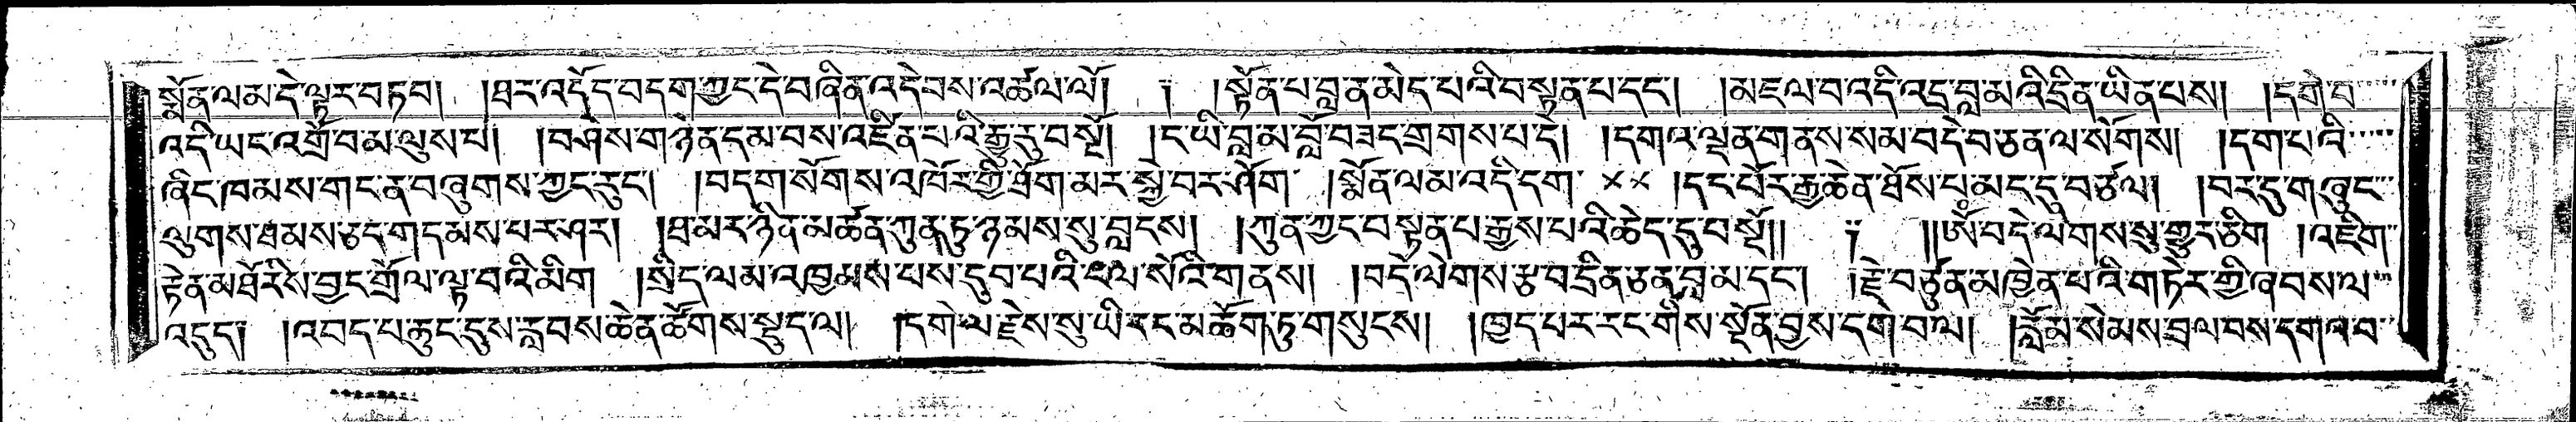སྨོན་ལམ་དེ་ལྟར་བཏབ། །ཐར་འདོད་བདག་ཀྱང་དེ་བཞིན་འདེབས་འཚལ་ལོ། ༈ །སྟོན་པ་བླ་ན་མེད་པའི་བསྟན་པ་དང་། །མཇལ་བ་འདི་འདྲ་བླ་མའི་དྲིན་ཡིན་པས། །དགེ་བ་
འདི་ཡང་འགྲོ་བ་མ་ལུས་པ། །བཤེས་གཉེན་དམ་པས་འཛིན་པའི་རྒྱུ་རུ་བསྔོ། །ང་ཡི་བླ་མ་བློ་བཟང་གྲགས་པ་དེ། །དགའ་ལྡན་གནས་སམ་བདེ་བ་ཅན་ལ་སོགས། །དག་པའི་
ཞིང་ཁམས་གང་ན་བཞུགས་ཀྱང་རུང་། །བདག་སོགས་འཁོར་གྱི་ཐོག་མར་སྐྱེ་བར་ཤོག །སྨོན་ལམ་འདི་དག་{྾}་{྾}་།དང་པོར་རྒྱ་ཆེན་ཐོས་པ་མང་དུ་བཙལ། །བར་དུ་གཞུང་
ལུགས་ཐམས་ཅད་གདམས་པར་ཤར། །ཐ་མར་ཉིན་མཚན་ཀུན་ཏུ་ཉམས་སུ་བླངས། །ཀུན་ཀྱང་བསྟན་པ་རྒྱས་པའི་ཆེད་དུ་བསྔོ།། ༈ །།ཨོཾ་བདེ་ལེགས་སུ་གྱུར་ཅིག །འཇིག་
རྟེན་མཐོ་རིས་བྱང་གྲོལ་ལྟ་བའི་མིག །སྲིད་ལམ་འཁྱམས་པས་དུབ་པའི་ངལ་སོའི་གནས། །བདེ་ལེགས་རྩ་བ་དྲིན་ཅན་བླ་མ་དང་། །རྗེ་བཙུན་མཁྱེན་པའི་གཏེར་གྱི་ཞབས་ལ་
འདུད༑ །འབད་པ་ཆུང་ངུས་རླབས་ཆེན་ཚོགས་སྡུད་ལ། །དགེ་ལ་རྗེས་སུ་ཡི་རང་མཆོག་ཏུ་གསུངས། །ཁྱད་པར་རང་གིས་སྔོན་བྱས་དགེ་བ་ལ། །རློམ་སེམས་བྲལ་བས་དགའ་བ་